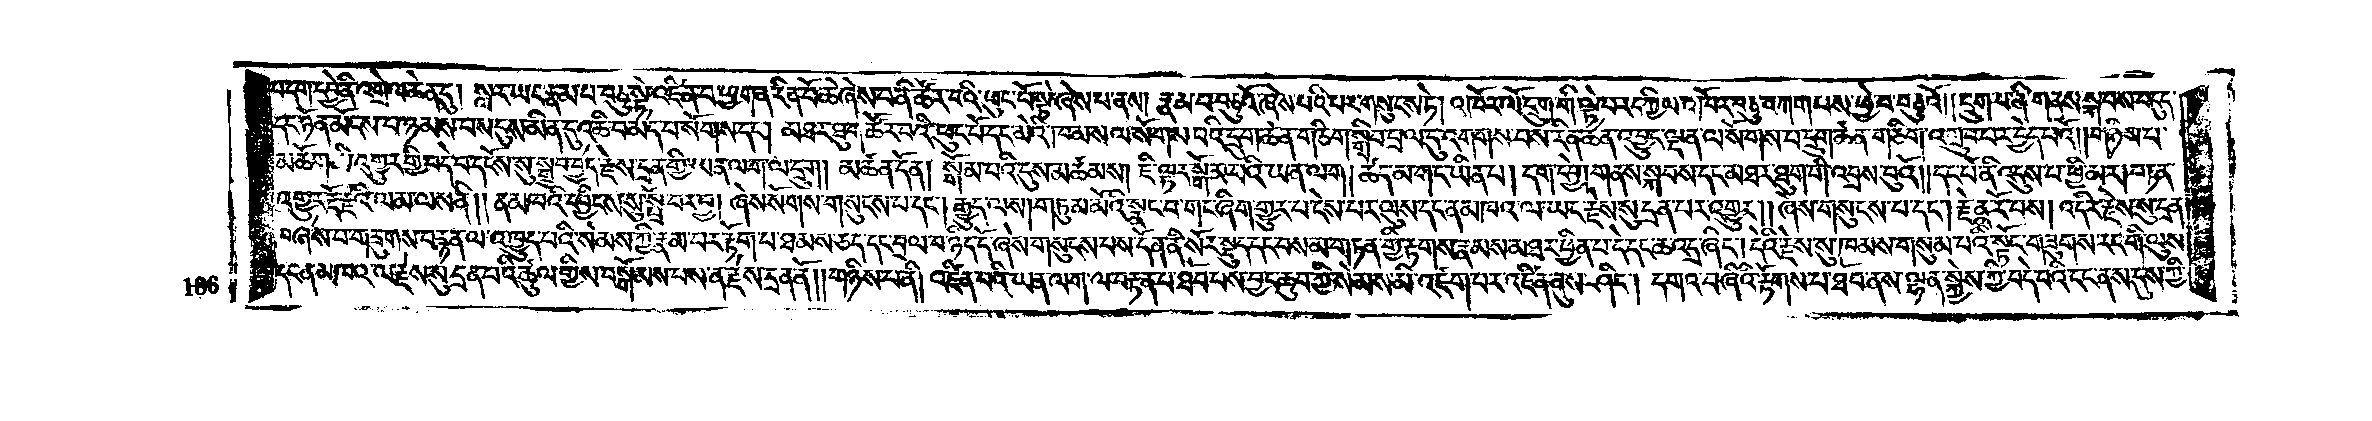པ་དག་དབྱེ་ནི་འགྲེལ་ཆེན་དུ། སླར་ཡང་རྣམ་པ་བཅུ་སྟེ་འཛིན་པ་ཕྱག་ན་རིན་པོ་ཆེ་ཞེས་པ་ནི་ཚོར་བའི་ཕུང་པོ་སྟེ་ཞེས་པ་ནས། རྣམ་པ་བཅུའོ་ཞེས་པའི་བར་གསུངས་ཏེ། འཁོར་ལོ་དྲུག་གི་ལྟེ་བར་དཀྱིལ་འཁོར་བཅུ་བཀག་པས་ཕྱེ་བ་བཅུའོ། །དྲུག་པ་ནི་གནས་སྐབས་བདུད་
དང་ཉོན་མོངས་པ་ཉམས་པས་དུས་མིན་དུ་འཆི་བ་མེད་པ་སོགས་དང་། མཐར་ཐུག་ཚོར་བའི་ཕུང་པོ་དང་མེའི་ཁམས་ལ་སོགས་པའི་དྲུག་ཚེན་གཅིག་སྒྲིབ་བྲལ་དུ་འགགས་པས་རིན་ཆེན་འབྱུང་ལྡན་ལ་སོགས་པ་དྲུག་ཚན་གཅིག་འགྲུབ་པར་བྱེད་པའོ། །གཉིས་པ་
མཆོག་མི་འགྱུར་གྱི་བདེ་བ་དངོས་སུ་སྒྲུབ་བྱེད་རྗེས་དྲན་གྱི་ཡན་ལག་ལ་དྲུག །མཚན་དོན། སྒོམ་པའི་དུས་མཚམས། ཇི་ལྟར་སྒོམ་པའི་ཡན་ལག །ཚད་མ་གང་ཡིན་པ། དག་དབྱེ། གནས་སྐབས་དང་མཐར་ཐུག་གི་འབྲས་བུའོ། །དང་པོ་ནི་འདུས་པ་ཕྱི་མར། བརྟན་
འགྱུར་རྡོ་རྗེའི་ལམ་ལས་ནི། །ནམ་མཁའི་དབྱིངས་སུ་སྤྲོ་བར་བྱ། ཞེས་སོགས་གསུངས་པ་དང་། རྒྱུད་ལས། གཏུམ་མོའི་སྣང་བ་གང་ཞིག་གྱུར་པ་ངེས་པར་ལུས་དང་ནམ་མཁའ་ལ་ཡང་རྗེས་སུ་དྲན་པར་འགྱུར། །ཞེས་གསུངས་པ་དང་། རྗེ་ནཱ་རོ་པས། འདིར་རྗེས་སུ་དྲན་
བཞེས་པ་གཟུགས་བརྙན་ལ་འཁྱུད་པའི་སེམས་ཀྱི་རྣམ་པར་རྟོག་པ་ཐམས་ཅད་དང་བྲལ་བ་ཉིད་དོ་ཞེས་གསུངས་པས་དོན་ནི་སོར་སྡུད་དང་བསམ་གཏན་གྱི་རྟགས་རྣམས་མཐར་ཕྱིན་པ་དེ་དང་ཆ་འདྲ་ཞིང་། དེའི་རྗེས་སུ་ཁམས་གསུམ་པའི་སྟོང་གཟུགས་རང་གི་ལུས་
དང་ནམ་མཁའ་ལ་རྗེས་སུ་དྲན་པའི་ཚུལ་གྱིས་བསྒོམས་པས་ན་རྗེས་དྲན་ནོ། །གཉིས་པ་ནི། འཛིན་པའི་ཡན་ལག་ལ་བརྟན་པ་ཐོབ་པས་བྱང་ཆུབ་ཀྱི་སེམས་མི་འཛག་པར་འཛིན་ནུས་ཤིང་། དགའ་བཞིའི་རྟོགས་པ་ཐོབ་ནས་ལྷན་སྐྱེས་ཀྱི་བདེ་བའི་ངང་ནས་དུས་ཀྱི་